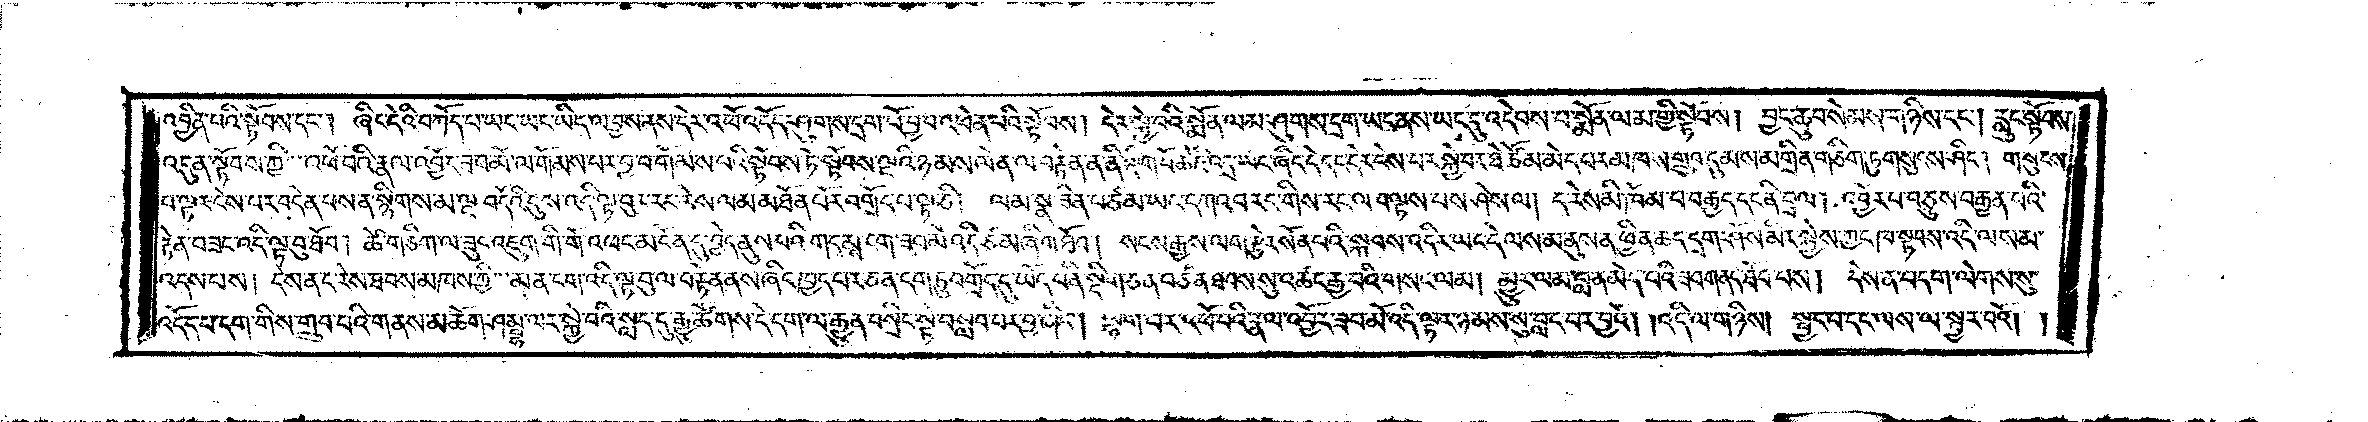འབྱིན་པའི་སྟོབས་དང་། ཞིང་དེའི་བཀོད་པ་ཡང་ཡང་ཡིད་ལ་བྱས་ནས་དེར་འཕོ་འདོད་ཤུགས་དྲག་པོ་བྱ་བ་འཕེན་པའི་སྟོབས། དེར་སྐྱེ་བའི་སྨོན་ལམ་ཤུགས་དྲག་ཡང་ནས་ཡང་དུ་འདེབས་པ་སྨོན་ལམ་གྱི་སྟོབས། བྱང་ཆུབ་སེམས་གཉིས་དང་། རླུང་སྟོབས་
འདུན་སྟོབས་ཀྱི་འཕོ་བའི་རྣལ་འབྱོར་ཟབ་མོ་ལ་གོམས་པར་བྱ་བ་གོམས་པའི་སྟོབས་ཏེ་སྟོབས་ལྔའི་ཉམས་ལེན་ལ་བརྟེན་ན་ནི་སྡིག་པོ་ཆེ་ཇི་འདྲ་ཡང་ཞིང་དེ་དང་དེར་ངེས་པར་སྐྱེ་བར་ཐེ་ཚོམ་མེད་པར་མཁས་གྲུབ་དུ་མས་མགྲིན་གཅིག་ཏུ་གསུངས་ཤིང་། གསུངས་
བ་ལྟར་ངེས་པར་བདེན་པས་ན་སྙིགས་མ་ལྔ་བདོའི་དུས་འདི་ལྟ་བུར་རང་རེས་ལམ་མཐོན་པོར་བགྲོད་པ་ལྟ་ཅི། ལམ་སྣ་ཟིན་པ་ཙམ་ཡང་དཀའ་བ་རང་གིས་རང་ལ་བལྟས་པས་ཤེས་ལ། ད་རེས་མི་ཁོམ་པ་བརྒྱད་དང་ནི་བྲལ། འབྱོར་པ་བཅུས་བརྒྱན་པའི་
རྟེན་བཟང་འདི་ལྟ་བུ་ཐོབ། ཚེ་གཅིག་ལ་ཟུང་འཇུག་གི་གོ་འཕང་མངོན་དུ་བྱེད་ནུས་པའི་གདམས་ངག་ཟབ་མོ་འདི་ཙམ་ཞིག་ཐོབ། སངས་རྒྱས་ལག་རྩེར་སོན་པའི་སྐབས་འདིར་ཡང་དེ་ལས་མ་ནུས་ན་ཕྱིན་ཆད་དྲག་ཤོས་མིར་སྐྱེས་ཀྱང་ཁ་སྟབས་འདི་ལས་མ་
འདས་པས། དེས་ན་ད་རེས་ཐབས་མཁས་ཀྱི་མན་ངག་འདི་ལྟ་བུ་ལ་བརྟེན་ནས་ཞིང་ཁྱད་པར་ཅན་དག་ཏུ་བགྲོད་དུ་ཡོད་པ་ནི་སྡིག་ཅན་བཙན་ཐབས་སུ་འཚང་རྒྱ་བའི་གསང་ལམ། མྱུར་ལམ་བླ་ན་མེད་པའི་ཟབ་གནད་ཐོབ་པས། དེས་ན་བདག་ལེགས་སུ་
འདོད་པ་དག་གིས་གྲུབ་པའི་གནས་མཆོག་ཤམྦྷ་ལར་སྐྱེ་བའི་སླད་དུ་རྒྱུ་ཚོགས་དེ་དག་ལ་རྒྱུན་བསྲིང་སྟེ་བསླབ་པར་བྱ་ཞིང་། ལྷག་པར་འཕོ་བའི་རྣལ་འབྱོར་ཟབ་མོ་འདི་ལྟར་ཉམས་སུ་བླང་བར་བྱའོ། །འདི་ལ་གཉིས། སྦྱང་བ་དང་ལས་ལ་སྦྱར་བའོ། །